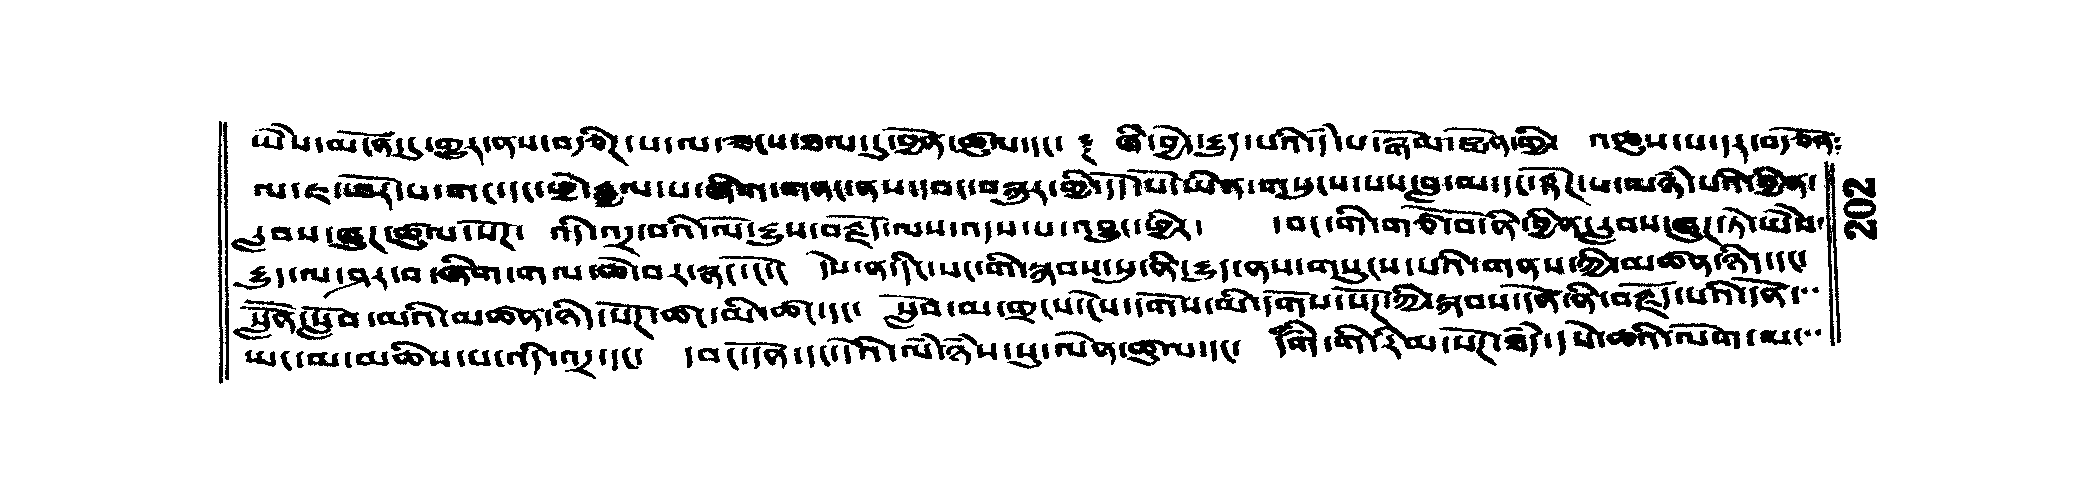ཡེ་ཤེས་མངོན་དུ་གྱུར་ནས་བརྩིགས་པ་ལ་ཟངས་ཐལ་དུ་བྱོན་ཚུལ་དང་། ཞི་བྱེད་རྒྱུད་པའི་དམ་པ་སྒོམ་སྨོན་གྱི་འཆུས་པ་དར་བརྩོན་
ལ་ཇ་ཕོར་པ་གང་དང་ཕྱེ་རྐྱལ་པ་ཞིག་གནང་ནས་དབང་བསྐུར་གྱི་དོད་པོ་ཡིན་གསུངས་པས་བླ་མ་དང་རྟོགས་པ་མཉམ་པའི་བྱིན་
རླབས་ཞུགས་ཚུལ་སོགས། འདི་འདྲ་བའི་ལོ་རྒྱུས་བརྗོད་ལས་འདས་པ་འབྱུང་ཕྱིར། དབང་གི་གཙོ་བོ་ནི་བྱིན་རླབས་ཞུགས་ཏེ་ཡེ་ཤེས་
རྒྱུད་ལ་ཤར་བ་ཞིག་གལ་ཆེ་བར་སྣང་ངོ་། དེས་ན་དིང་སང་གི་སྐབས་སུ་ནི་རྒྱུད་ནས་གསུངས་པའི་གནས་ཀྱི་མཚན་ཉིད་དང་། 
སློབ་དཔོན་སློབ་མའི་མཚན་ཉིད་སོགས་ཚང་མི་ཚང་དང་། སློབ་མ་གྲངས་ངེས་དགོས་མི་དགོས་སོགས་ཀྱི་སྐབས་དོན་ནི་བརྗོད་པའི་དོན་
ཡང་མ་མཆིས་པ་འདི་འདྲ་དང་། དབང་དོན་དང་དེའི་ལམ་ཉམས་སུ་ལེན་ཚུལ་དང་། དམ་ཚིག་གི་རིམ་པ་སོགས་ཐམས་ཅད་དཔེ་ཆའི་ལོགས་ལ་